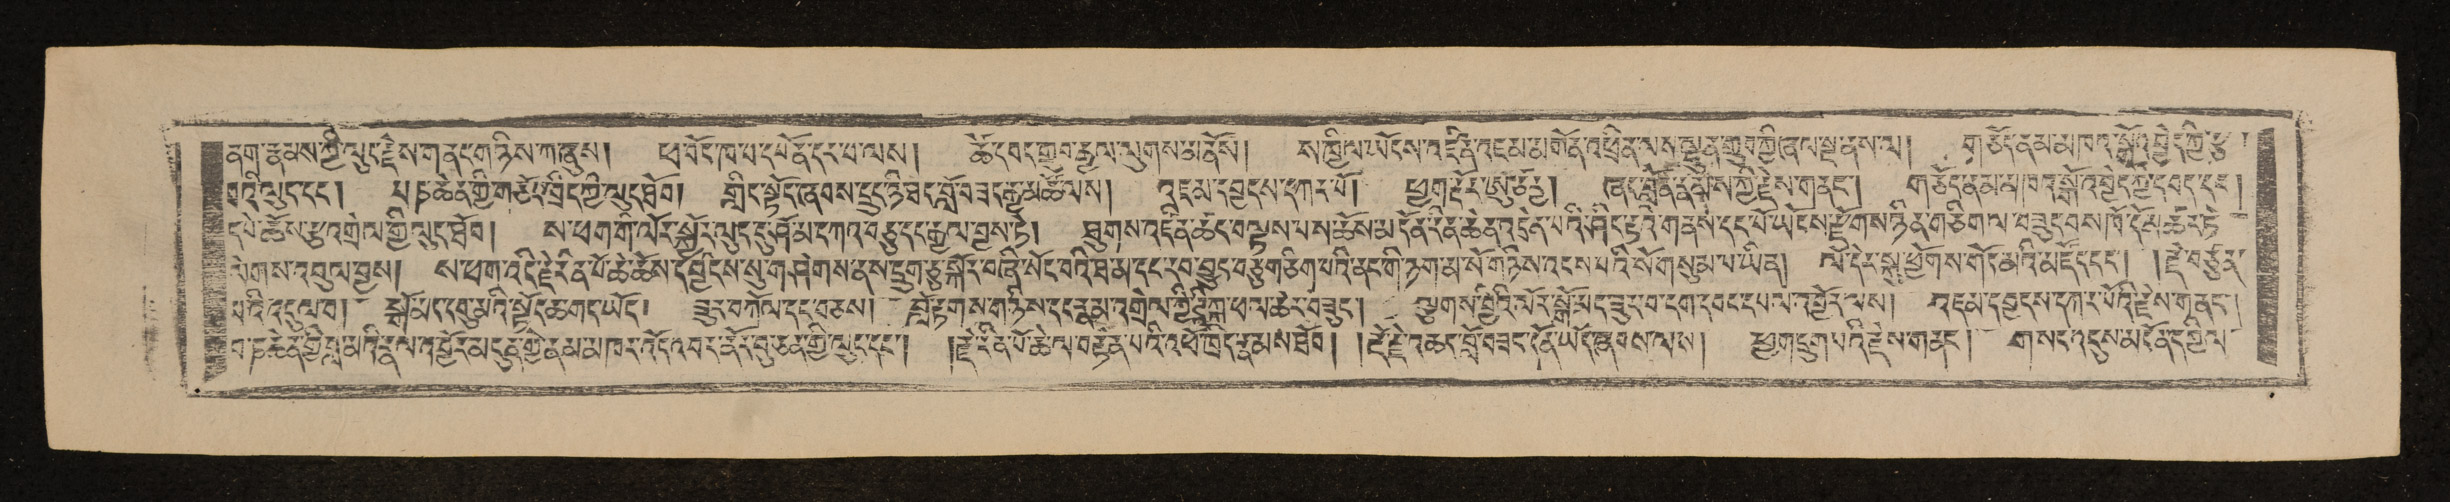ནག་རྣམས་ཀྱི་ལུང་རྗེས་གནང་གཉིས་ཀ་ཞུས། ཕ་བོང་ཁ་པ་དཔོན་དར་བ་ལས། ཚེ་དབང་གྲུབ་རྒྱལ་ལུགས་མནོས། ས་ཁྱི་ལ་ཡོངས་འཛིན་འཇམ་མགོན་འཕྲིན་ལས་ལྷུན་གྲུབ་ཀྱི་ཞལ་སྔ་ནས་ལ། གཅོད་ནམ་མཁའ་སྒོ་འབྱེད་ཀྱི་རྩ་
བའི་ལུང་དང་། པཎ་ཆེན་གྱི་གཅོད་ཁྲིད་ཀྱི་ལུང་ཐོབ། གླིང་སྟོད་ཞབས་དྲུང་ཉི་ཐང་བློ་བཟང་རྒྱ་མཚོ་ལས། འཇམ་དབྱངས་དཀར་པོ། ཕྱག་རྡོར་ཨུ་ཙརྱ། ཞང་བློན་རྣམས་ཀྱི་རྗེས་གནང་། གཅོད་ནམ་མཁའ་སྒོ་འབྱེད་ཀྱི་དབང་དང་།
དཔེ་ཆོས་རྩ་འགྲེལ་གྱི་ལུང་ཐོབ། ས་ཕག་གི་ལོར་སྐྱོར་ལུང་དུ་ཤོམ་དཀའ་བཅུ་དང་རྒྱལ་བྱས་ཏེ། ཐུགས་འཛིན་ཚད་བལྟས་པས་ཆོས་མངོན་རིན་ཆེན་འདྲེན་པའི་ཤིང་རྟའི་གནས་དང་པོ་ཡོངས་རྫོགས་ཉིན་གཅིག་ལ་བཟུང་བས་ཁོ་ངོ་མཚར་ཏེ་
ལེགས་འབུལ་བྱས། ས་ཕག་འདི་རྗེ་རིན་པོ་ཆེ་ཆོས་དབྱིངས་སུ་གཤེགས་ནས་དྲུག་ཅུ་སྐོར་བཞི་སོང་བའི་ཐ་མ་དང་རབ་བྱུང་བཅུ་གཅིག་པའི་ནང་གི་ཉག་མ་སོ་གཉིས་འདས་པའི་སོ་གསུམ་པ་ཡིན། ལོ་དེར་སྐུ་ཕྱོགས་གོང་མའི་མཛོད་དང་། རྗེ་བཙུན་
བའི་འདུལ་བ། སྒོ་མང་དབུ་མའི་སྟོད་ཆེ་གང་ཡོད། ཟུར་བཀོལ་དང་བཅས། བློ་རྟགས་གཉིས་དང་རྣམ་འགྲེལ་ཀྱི་ཊཱིཀྐ་ཕལ་ཆེར་བཟུང་། ལྕགས་བྱིའི་ལོར་སྒོ་མང་ཟུར་པ་ངག་དབང་དཔལ་འབྱོར་ལས། འཇམ་དབྱངས་དཀར་པོའི་རྗེས་གནང་།
པཎ་ཆེན་གྱི་བླ་མའི་རྣལ་འབྱོར་མདུན་གྱི་ནམ་མཁར་འོད་འབར་ནོར་བུ་ཅན་གྱི་ལུང་དང་། རྗེ་རིན་པོ་ཆེ་ལ་བརྟེན་པའི་འཕོ་ཁྲིད་རྣམས་ཐོབ། རྡོ་རྗེ་འཆང་བློ་བཟང་དོན་ཡོད་ཞབས་ལས། ཕྱག་དྲུག་པའི་རྗེས་གནང་། གསང་འདུས་མངོན་དཀྱིལ་